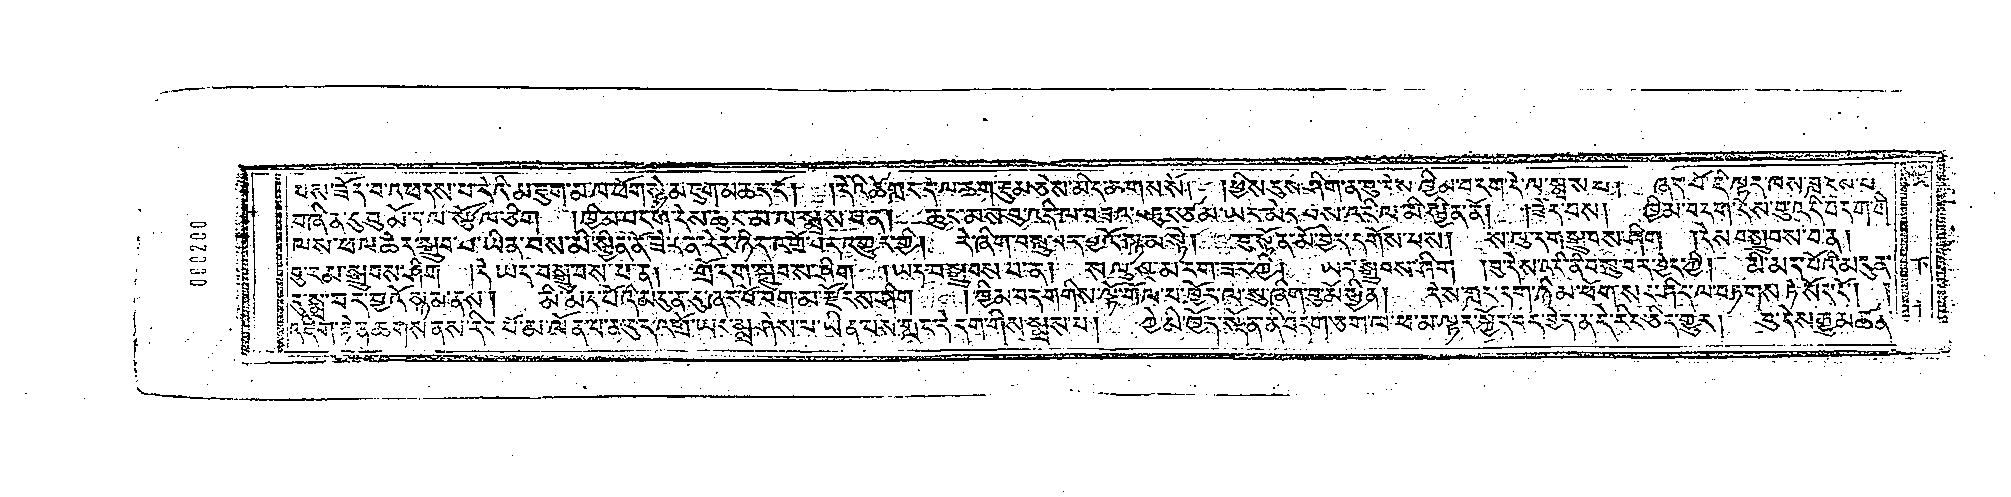པས་ཟོད་པ་འཕངས་པ་དེའི་མཇུག་མ་ལ་ཕོག་སྟེ་མཇུག་མ་ཆད་དོ། །དེའི་ཚེ་གླང་དེ་ལ་ཆག་རྡུམ་ཅེས་མིང་ཆགས་སོ། །ཕྱིས་དུས་ཤིག་ན་བུ་དེས་ཁྱིམ་བདག་དེ་ལ་སྨྲས་པ། ཞད་པོ་ཇི་ལྟར་ཁས་བླངས་པ་
བཞིན་དུ་བུ་མོ་དལ་སྩོལ་ཅིག །ཁྱིམ་བདག་དེས་ཆུང་མ་ལ་སྨྲས་པ་ན། ཆུང་མས་བུ་འདི་ལ་བཟའ་བཏུང་ཙམ་ཡང་མེད་པས་འདི་ལ་མི་སྦྱིན་ནོ། །ཟེར་བས། ཁྱིམ་བདག་དེས་བུ་འདི་བདག་གི་
ལས་ཕལ་ཆེར་སྒྲུབ་པ་ཡིན་པས་མི་སྦྱིན་ནོ་ཟེར་ན་དེར་ཉིད་འགྲོ་བར་འགྱུར་གྱི། རེ་ཞིག་བསླུ་བར་བྱའོ་སྙམ་སྟེ། བུ་སྟོན་མོ་བྱེད་དགོས་པས། ས་ལུ་དག་སྒྲུབས་ཤིག །དེས་བསྒྲུབས་པ་ན།
བུ་རམ་སྒྲུབས་ཤིག །དེ་ཡང་བསྒྲུབས་པ་ན། གྲོ་དག་སྒྲུབས་ཤིག །ཡང་བསྒྲུབས་པ་ན། ས་ལུ་སྔ་མ་དག་ཟང་ཀྱི། ཡང་སྒྲུབས་ཤིག །བུ་དེས་འདི་ནི་བསླུ་བར་བྱེད་ཀྱི། མི་མང་པོའི་མདུན་
དུ་སྨྲ་བར་བྱའོ་སྙམ་ནས། མི་མང་པོའི་མདུན་དུ་ཞང་པོ་བག་མ་རྫོངས་ཤིག །ཁྱིམ་བདག་གིས་ལྟོ་གོལ་པ་ཁྱོད་ལ་སུ་ཞིག་བུ་མོ་སྦྱིན། དེས་གླང་དག་ཉི་མ་ཕོག་སར་ཤིང་ལ་བཏགས་ཏེ་སོང་ངོ། །
འཇིག་རྟེན་ཆགས་ནས་རིང་པོ་མ་ལོན་པ་ན་དུད་འགྲོ་ཡང་སྨྲ་ཤེས་པ་ཡིན་པས་གླང་དེ་དག་གིས་སྨྲས་པ། ཀྱེ་མི་ཁྱོད་སྔོན་ནི་བདག་ཅག་ལ་ཕ་མ་ལྟར་སྐྱོང་བར་བྱེད་ན་དེ་རིང་ཅིར་གྱུར། བུ་དེས་རྒྱུ་མཚན་